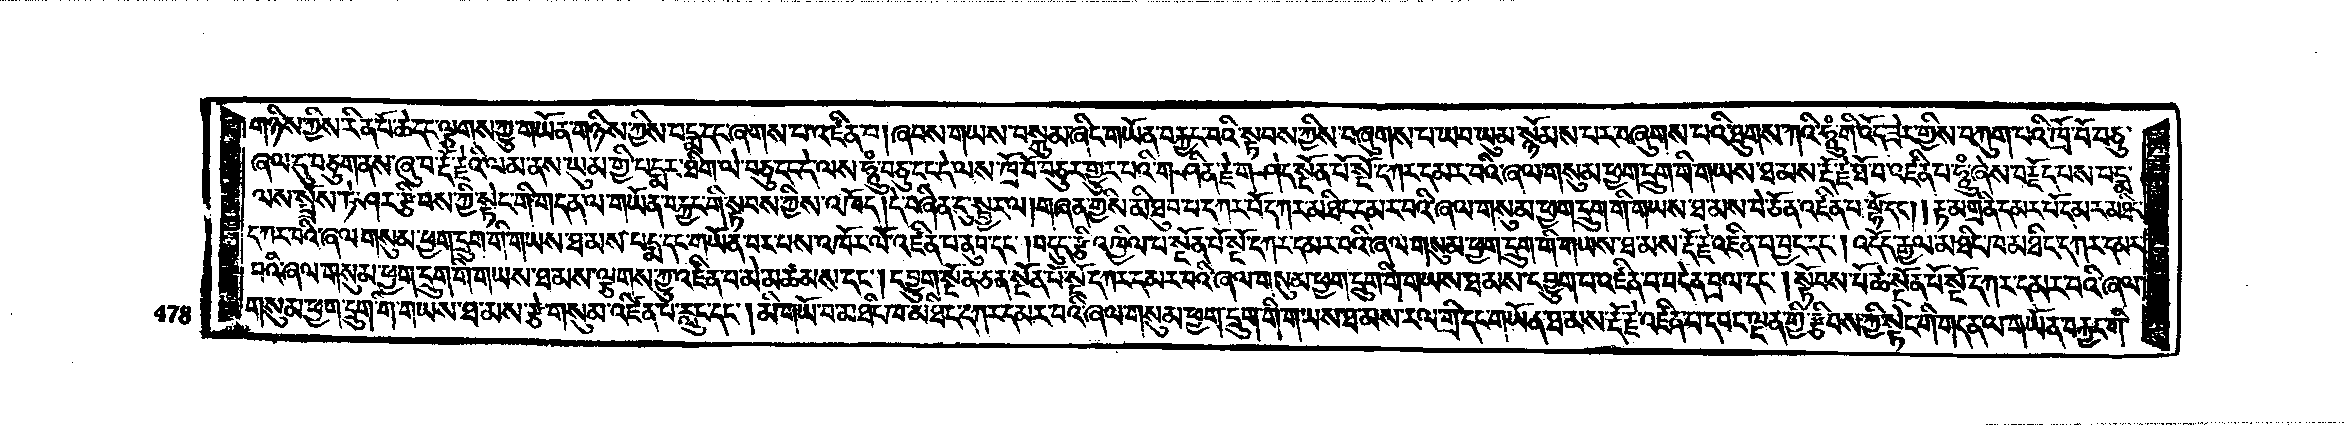གཉིས་ཀྱིས་རིན་པོ་ཆེ་དང་ལྕགས་ཀྱུ་གཡོན་གཉིས་ཀྱིས་པདམ་དང་ཞགས་པ་འཛིན་པ། ཞབས་གཡས་བསྐུམ་ཞིང་གཡོན་བརྐྱང་པའི་སྟབས་ཀྱིས་བཞུགས་པ་ཡབ་ཡུམ་སྙོམས་པར་བཞུགས་པའི་ཐུགས་ཀའི་ཧཱུཾ་གི་འོད་ཟེར་གྱིས་བཀུག་པའི་ཁྲོ་བོ་བཅུ་
ཞལ་དུ་བཅུག་ནས་ཞུ་བ་རྡོ་རྗེའི་ལམ་ནས་ཡུམ་གྱི་པདམར་ཐིག་ལེ་བཅུ་དང་དེ་ལས་ཧཱུཾ་བཅུ་དང་དེ་ལས་ཁྲོ་བོ་བཅུར་གྱུར་པའི་གཤིན་རྗེ་གཤེད་སྔོན་པོ་སྔོ་དཀར་དམར་བའི་ཞལ་གསུམ་ཕྱག་དྲུག་གི་གཡས་ཐ་མས་རྡོ་རྗེ་ཐོ་བ་འཛིན་པ་ཧཱུཾ་ཞེས་བརྗོད་པས་པདམ་
ལས་སྤྲོས་ཏེ་ཤར་རྩིབས་ཀྱི་སྟེང་གི་གདན་ལ་གཡོན་བརྐྱང་གི་སྟབས་ཀྱིས་འཁོད། དེ་བཞིན་དུ་སྦྱར་ལ། གཞན་གྱིས་མི་ཐུབ་པ་དཀར་པོ་དཀར་མཐིང་དམར་བའི་ཞལ་གསུམ་ཕྱག་དྲུག་གི་གཡས་ཐ་མས་བེ་ཅོན་འཛིན་པ་ལྷོ་དང་། །རྟ་མགྲིན་དམར་པོ་དམར་མཐིང་
དཀར་བའི་ཞལ་གསུམ་ཕྱག་དྲུག་གི་གཡས་ཐ་མས་པདམ་དང་གཡོན་བར་པས་འཁོར་ལོ་འཛིན་པ་ནུབ་དང་། བདུད་རྩི་འཁྱིལ་པ་སྔོན་པོ་སྔོ་དཀར་དམར་བའི་ཞལ་གསུམ་ཕྱག་དྲུག་གི་གཡས་ཐ་མས་རྡོ་རྗེ་འཛིན་པ་བྱང་དང་། འདོད་རྒྱལ་མཐིང་ཁ་མཐིང་དཀར་དམར་
བའི་ཞལ་གསུམ་ཕྱག་དྲུག་གི་གཡས་ཐ་མས་ལྕགས་ཀྱུ་འཛིན་པ་མེ་མཚམས་དང་། དབྱུག་སྔོན་ཅན་སྔོན་པོ་སྔོ་དཀར་དམར་བའི་ཞལ་གསུམ་ཕྱག་དྲུག་གི་གཡས་ཐ་མས་དབྱུག་པ་འཛིན་པ་བདེན་བྲལ་དང་། སྟོབས་པོ་ཆེ་སྔོན་པོ་སྔོ་དཀར་དམར་བའི་ཞལ་
གསུམ་ཕྱག་དྲུག་གི་གཡས་ཐ་མས་རྩེ་གསུམ་འཛིན་པ་རླུང་དང་། མི་གཡོ་བ་མཐིང་ཁ་མཐིང་དཀར་དམར་བའི་ཞལ་གསུམ་ཕྱག་དྲུག་གི་གཡས་ཐ་མས་རལ་གྲི་དང་གཡོན་ཐ་མས་རྡོ་རྗེ་འཛིན་པ་དབང་ལྡན་གྱི་རྩིབས་ཀྱི་སྟེང་གི་གདན་ལ་གཡོན་བརྐྱང་གི་